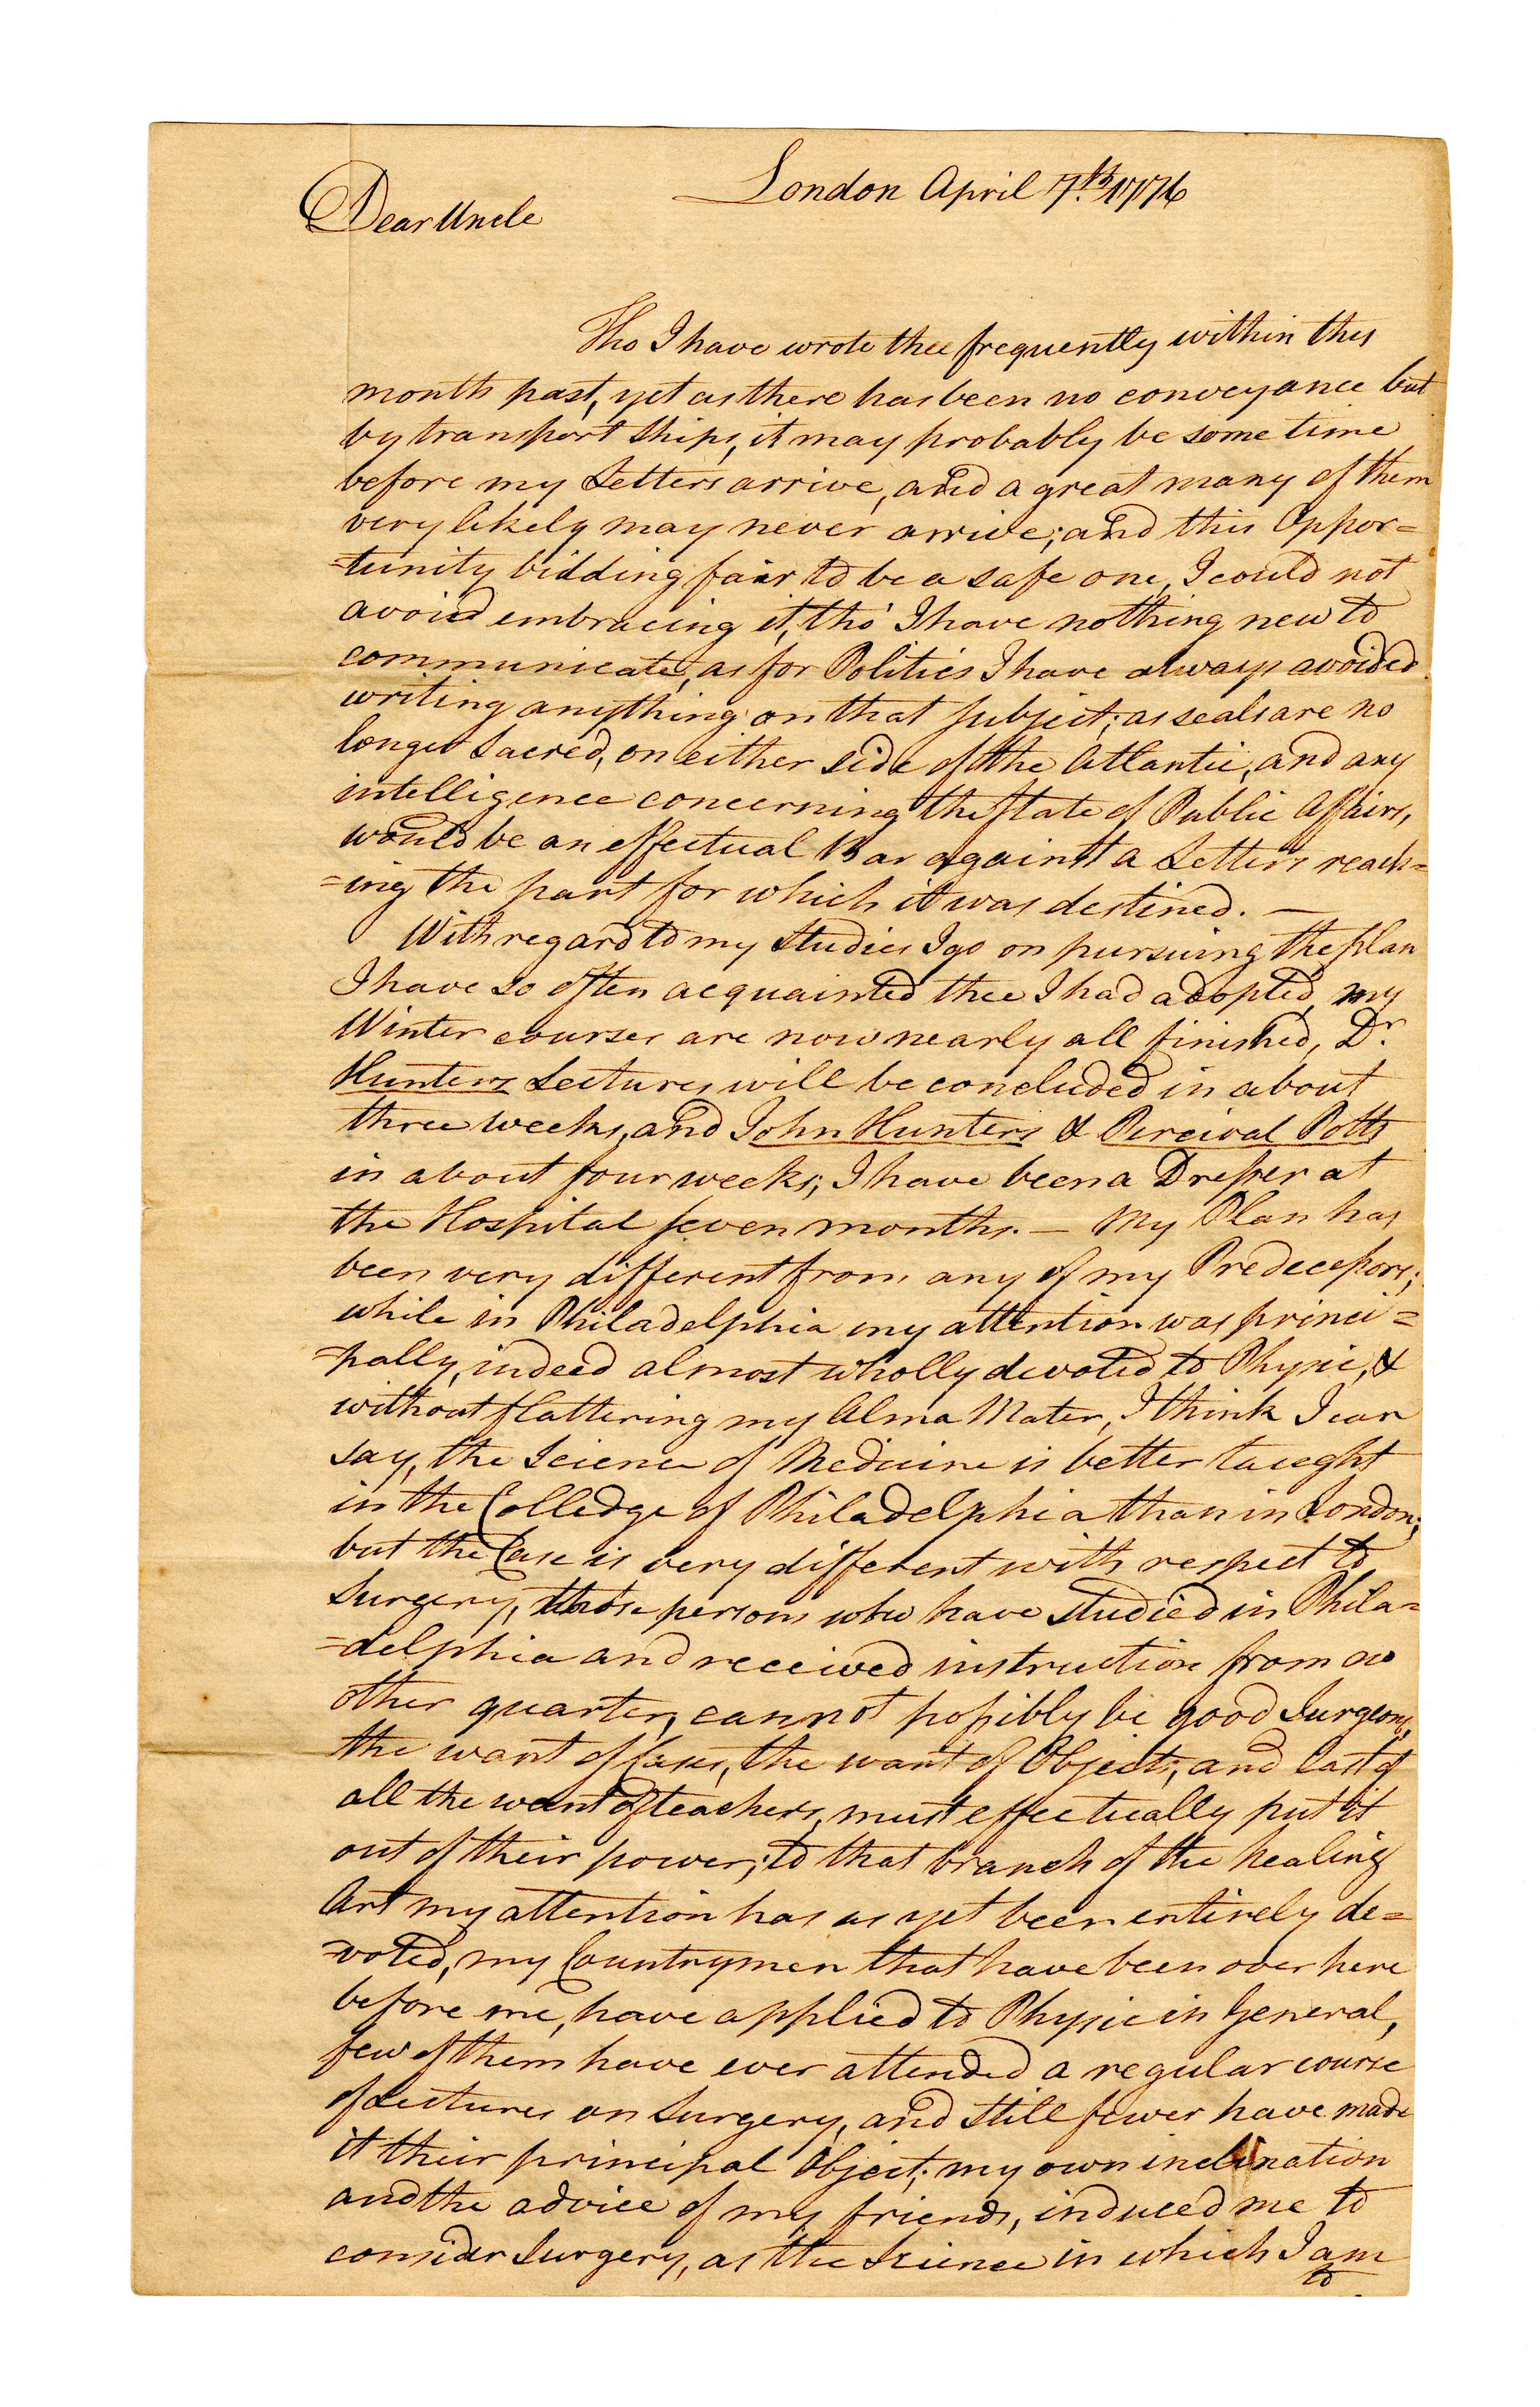London April 7^th. 1776
Dear Uncle
Tho I have wrote thee frequently within this
month past, yet as there has been no conveyance but
by transport ships, it may probably be some time
before my Letters arrive, and a great many of them
very likely may never arrive; and this Oppor-
-tunity bidding fair to be a safe one, I could not
avoid embracing it, tho' I have nothing new to
communicate, as for Politics I have always avoided
writing anything on that subject; as seals are no
longer sacred, on either side of the Atlantic, and any
intelligence concerning the State of Public Affairs,
would be an effectual Bar against a Letters reach-
-ing the part for which it was destined.-
With regard to my Studies, I go on pursuing the plan
I have so often acquainted thee I had adopted, my
Winter courses are now nearly all finished, D^r.
Hunters Lectures will be concluded in about
three weeks, and John Hunters & Percival Potts
in about four weeks; I have been a Dresser at
the Hospital seven months.- My Plan has
been very different from any of my Predecessors;
while in Philadelphia my attention was princi-
-pally, indeed almost wholly devoted to Physic, &
without flattering my Alma Mater, I think I can
say, the science of Medicine is better taught
in the College of Philadelphia than in London;
but the Case is very different with respect to
Surgery, those persons who have studied in Phila-
-delphia and received instruction from no
other quarter, cannot possibly be good Surgeons,
the want of Cases, the want of Objects, and last of
all the want of teachers, must effectually put it
out of their power; to that branch of healing
Art my attention has as yet been entirely de-
-voted, my Countrymen that have been over here
before me, have applied to Physic in General,
few of them have ever attended a regular course
of Lectures on Surgery, and still fewer have made
it their principal Object, my own inclination
and the advice of my friends, induced me to
consider Surgery, as the Science in which I am
to